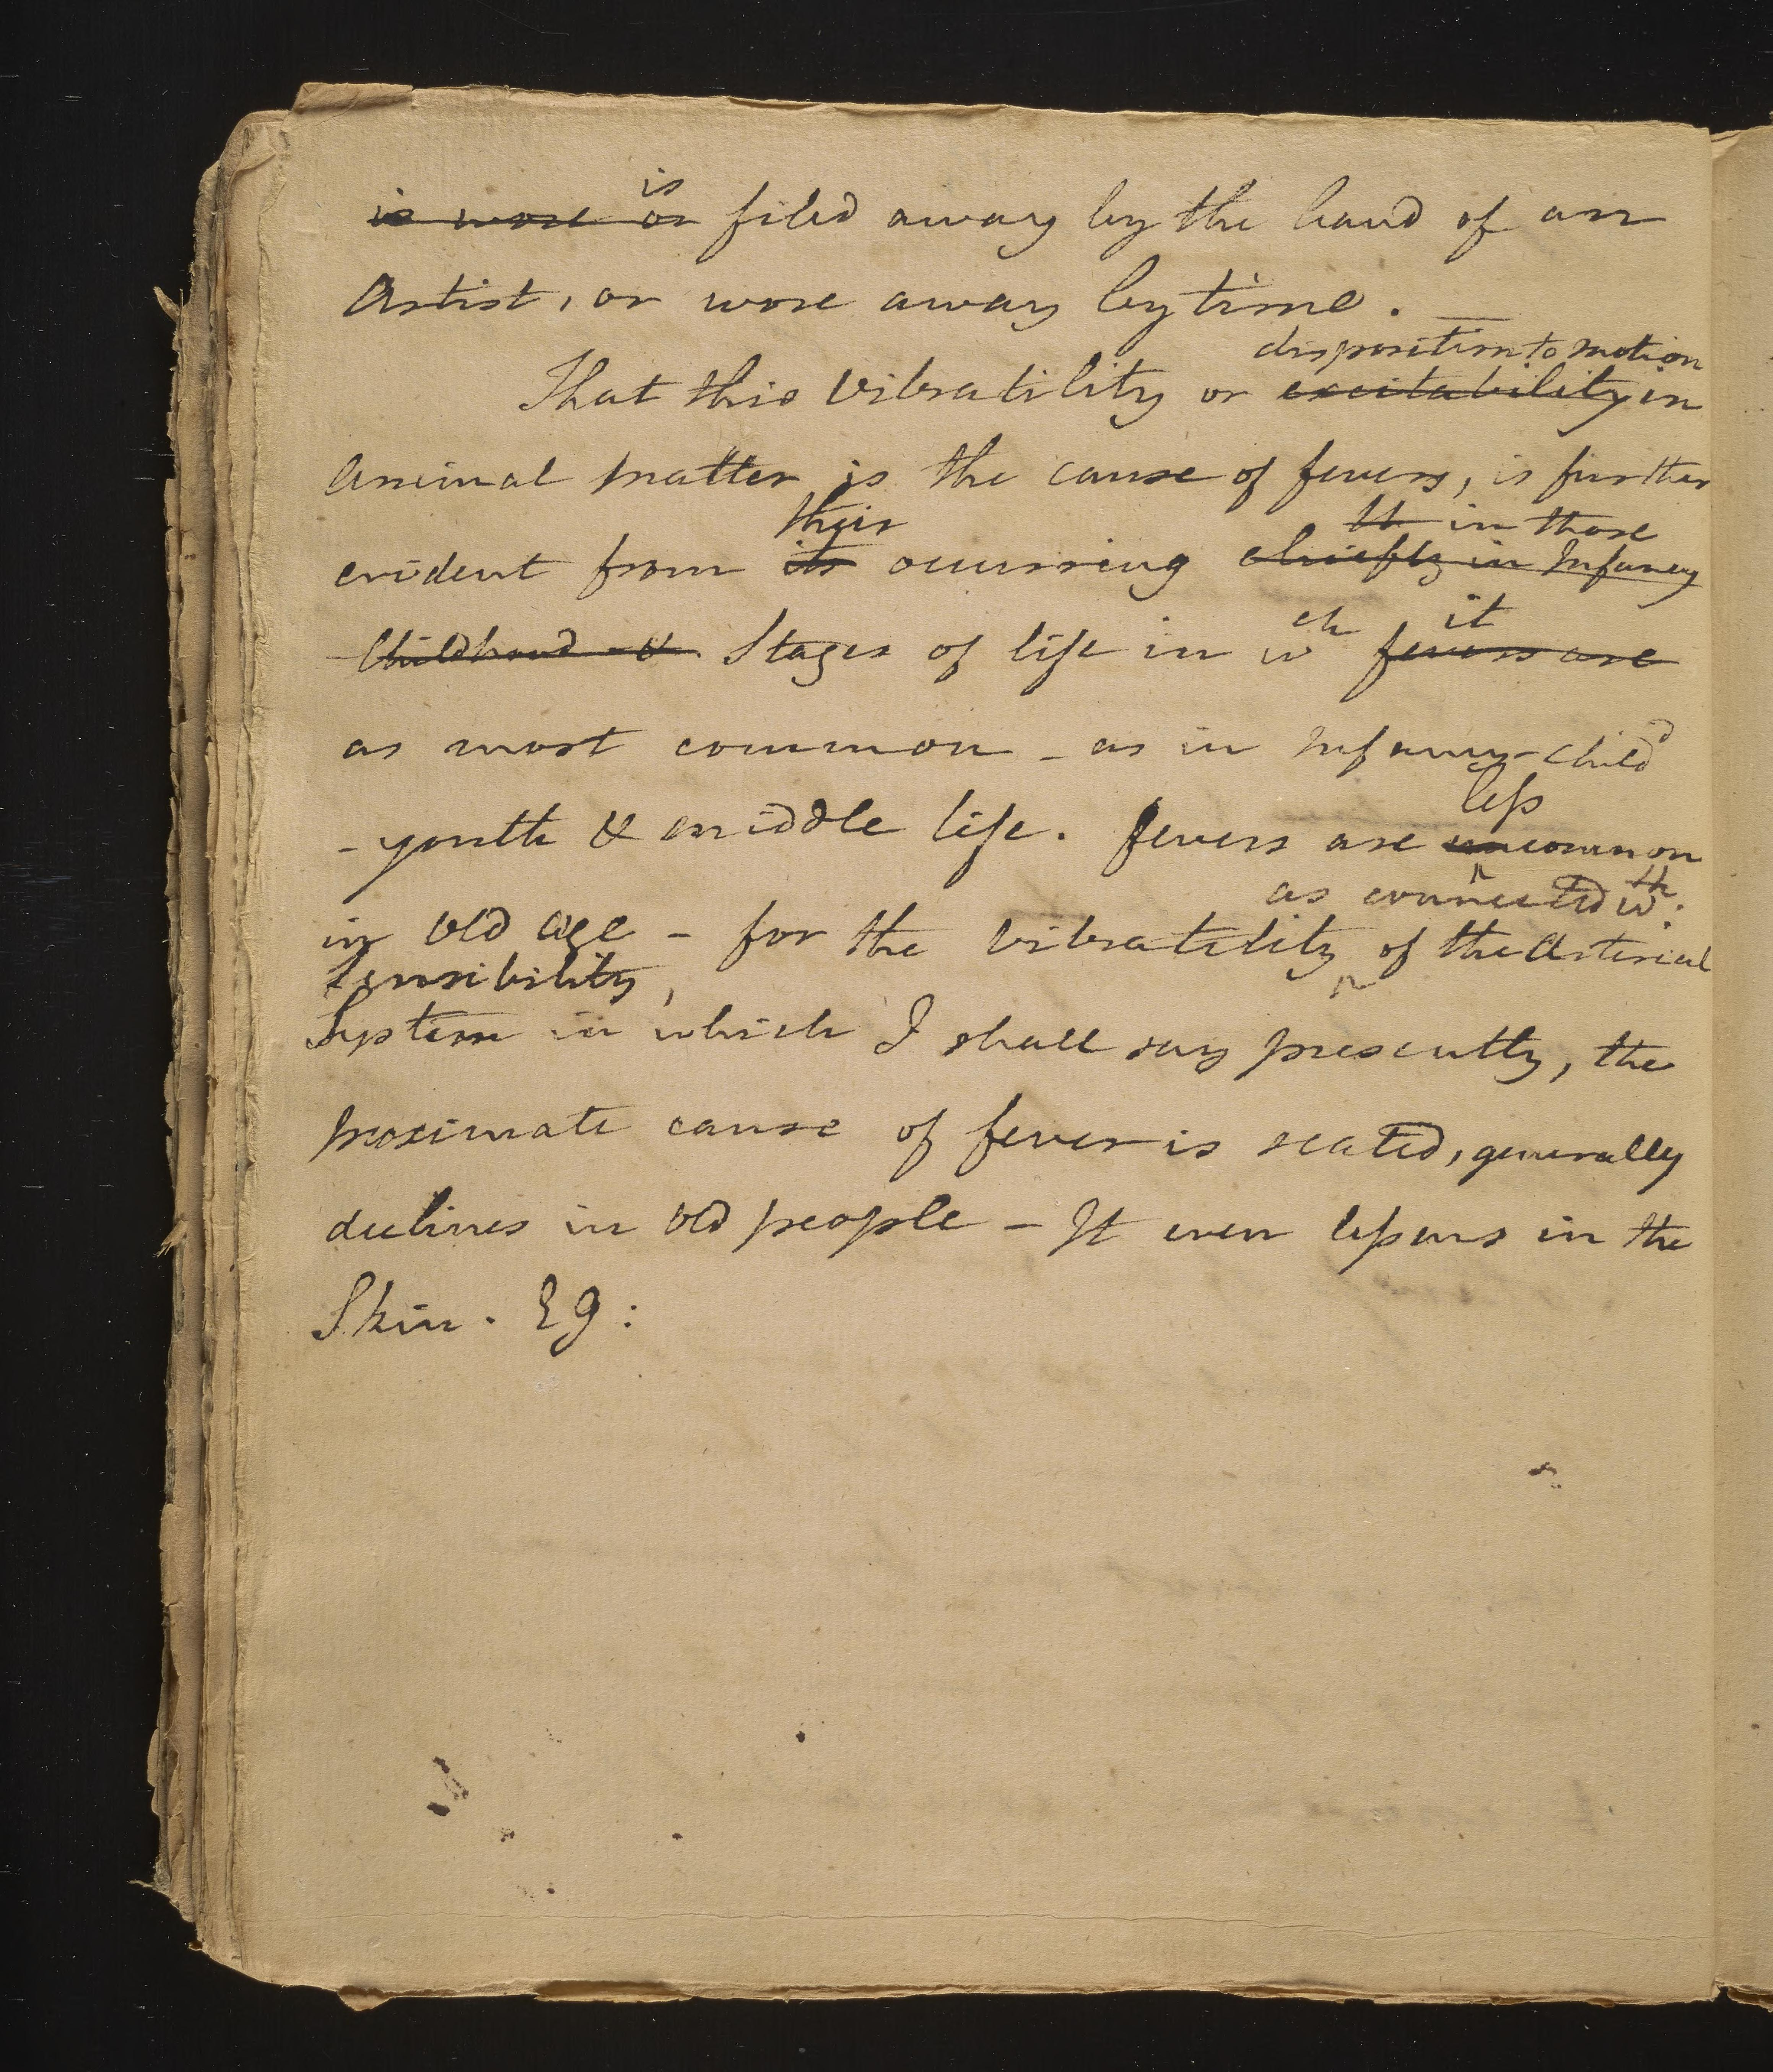is
[is more or] filed away by the hand of an
artist, or wore away by tie
disposition to motion
That this vibratility or [excitability] in
animal matter is the cause of fevers, is further
their
[At] in those
evident from [its] overseeing chiefly in infancy
it
[Childhood- &] stages of life in w^ch [fevers are]
as most common- as in Infancy- child^d
less
youth & middle life. fevers are ^ common
as commenced w^th
in old age, for the vitality of the arterial
sensibility
system in which I shall say presently, the
proximate cause of fever is seated, generally
declines in old people- It even opens in the
skin. Eg: